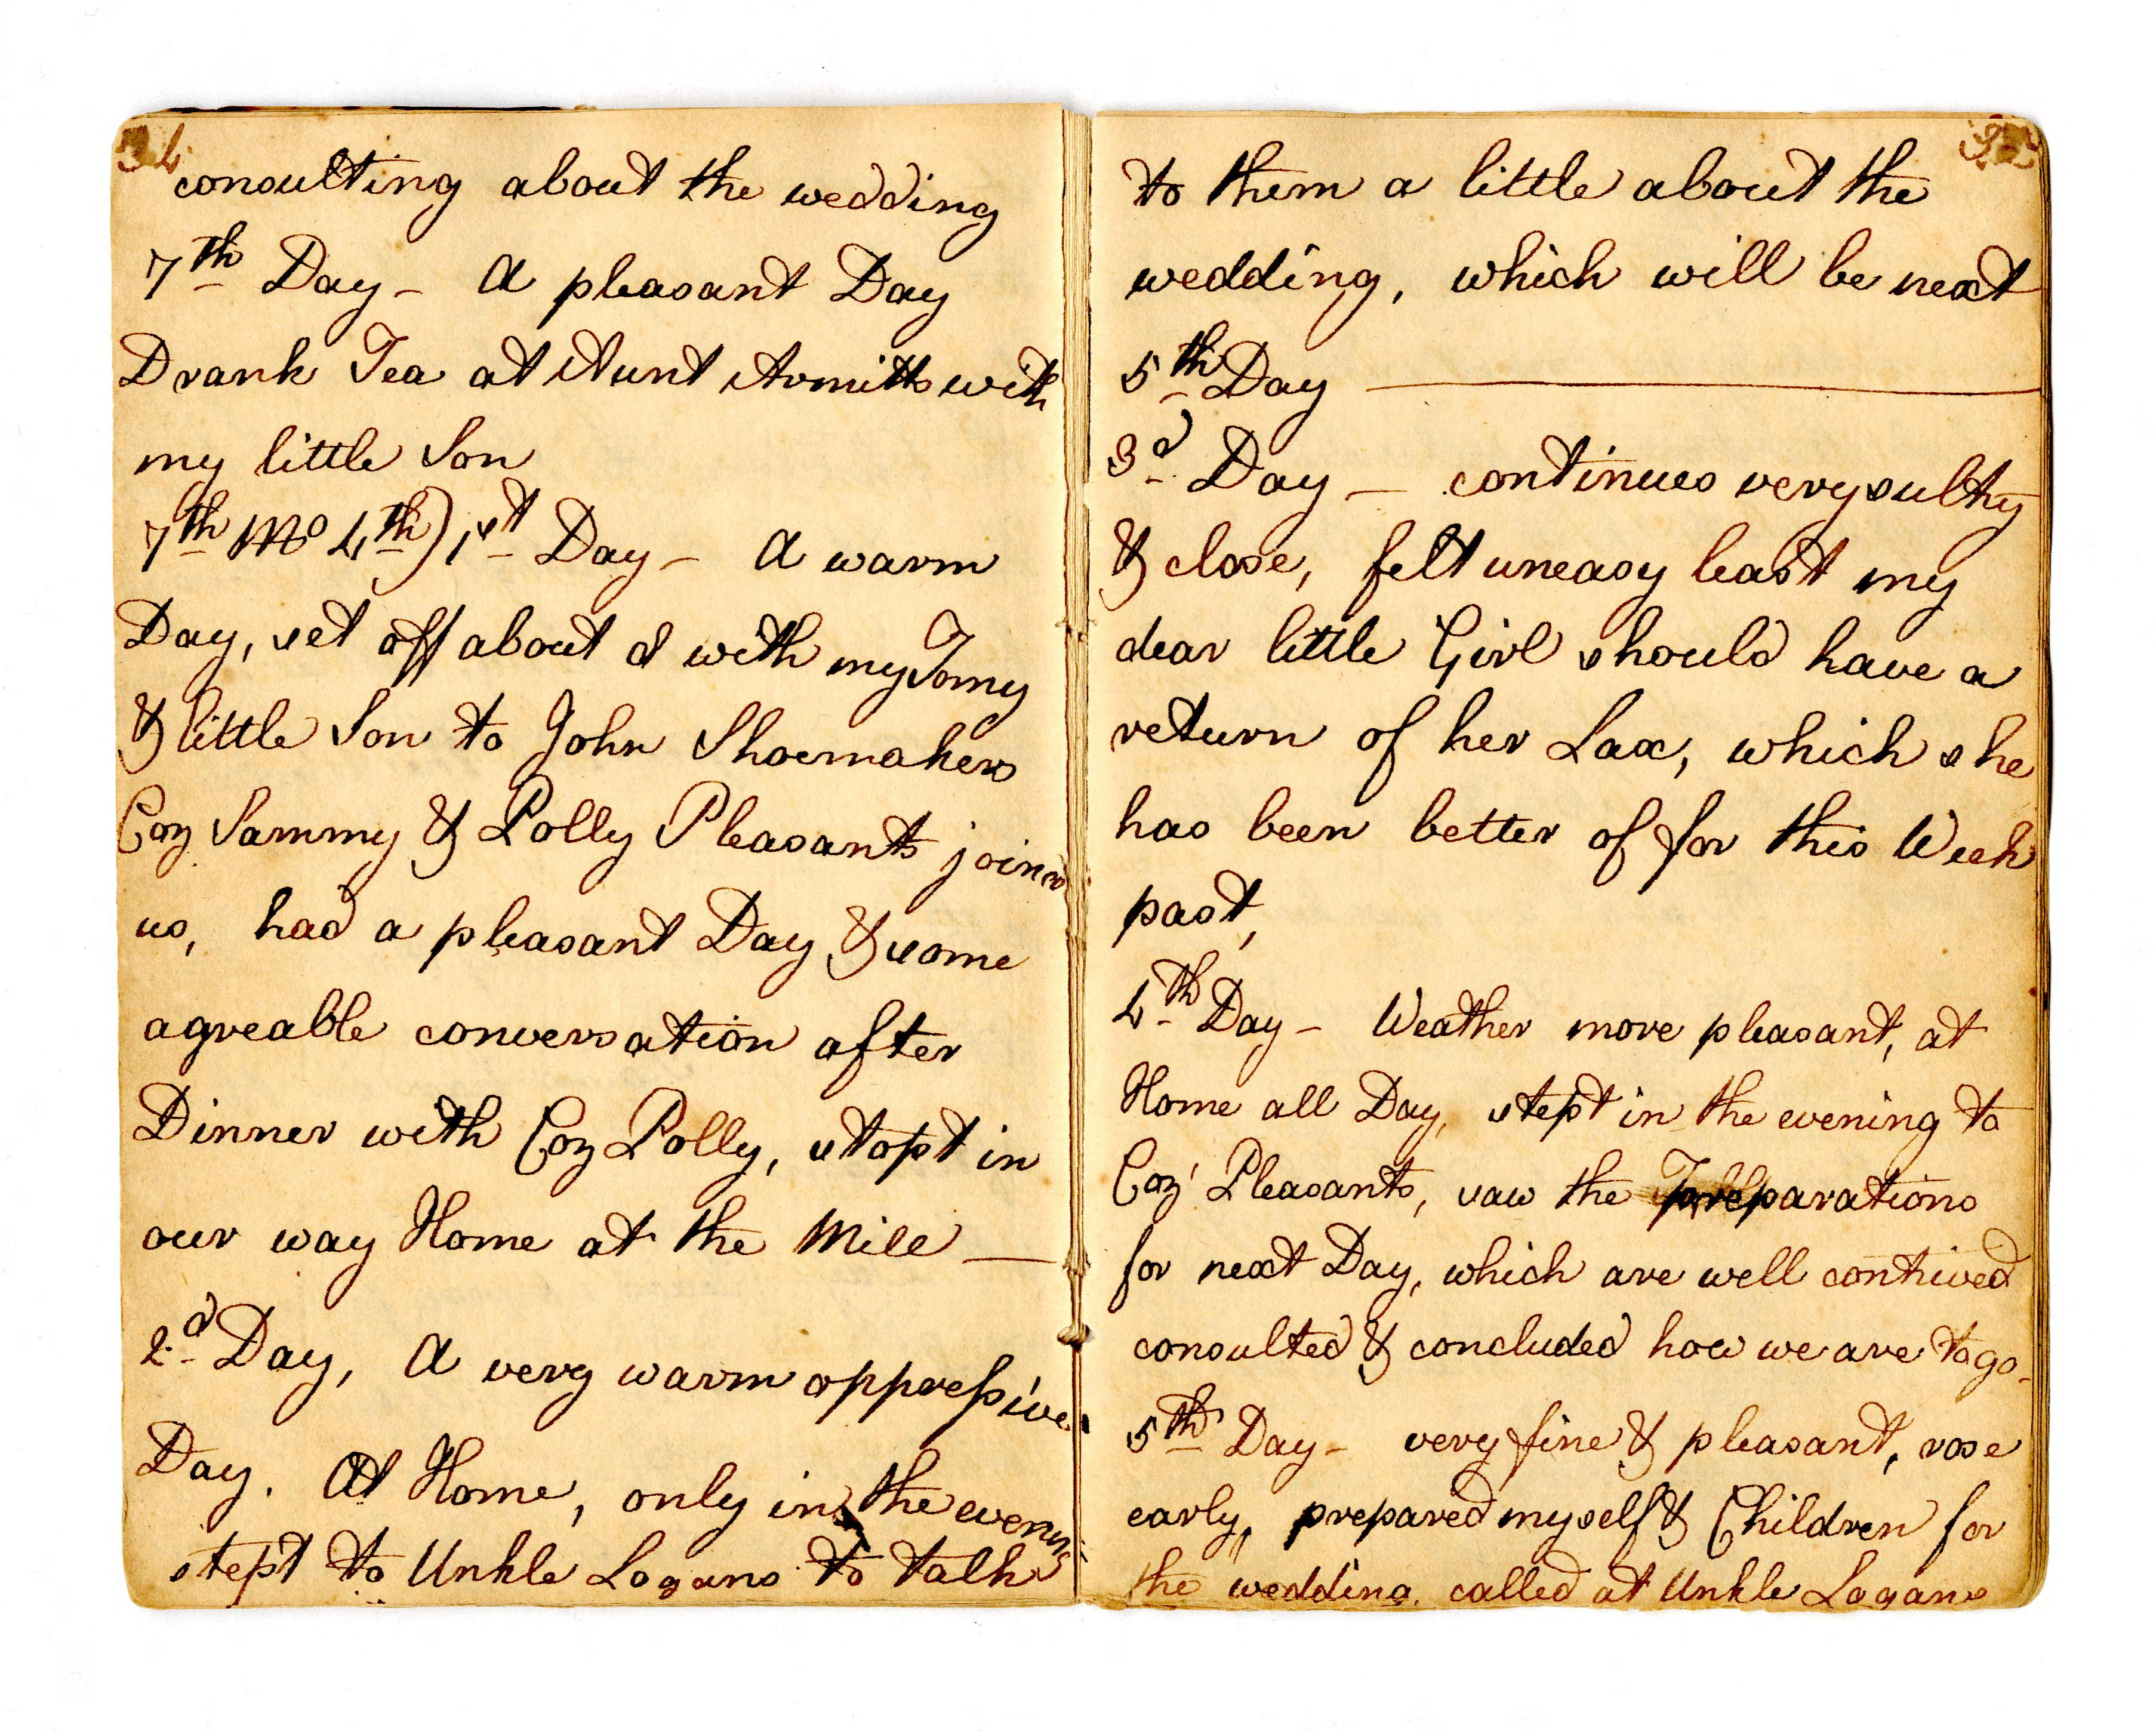34
consulting about the wedding
7^th Day- A pleasant Day
Drank Tea at Aunt Armitts with
my little Son
7^th M^o 4^th) 1^st Day- A warm
Day, set off about 8 with my Tomy
& little Son to John Shoemakers
Coz Sammy & Polly Pleasants joined
us, had a pleasant Day & some
agreable conversation after
Dinner with Coz Polly, stopt in
our way Home at the Mill
2^d Day, A very warm oppressive
Day, At Home, only in the evening
stept to Unkle Logans to talk
35
to them a little about the
wedding, which will be next
5^th Day
3^d Day- continues very sultry
& close, felt uneasy least my
dear little Girl should have a
return of her Lax, which she
has been better of for this Week
past,
4^th Day- Weather more pleasant, at
Home all Day, stept in the evening to
Coz' Pleasants, saw the preparations
for next Day, which are well contrived
consulted & concluded how we are to go-
5^th Day- very fine & pleasant, rose
early, prepared myself & Children for
the wedding called at Unkle Logans